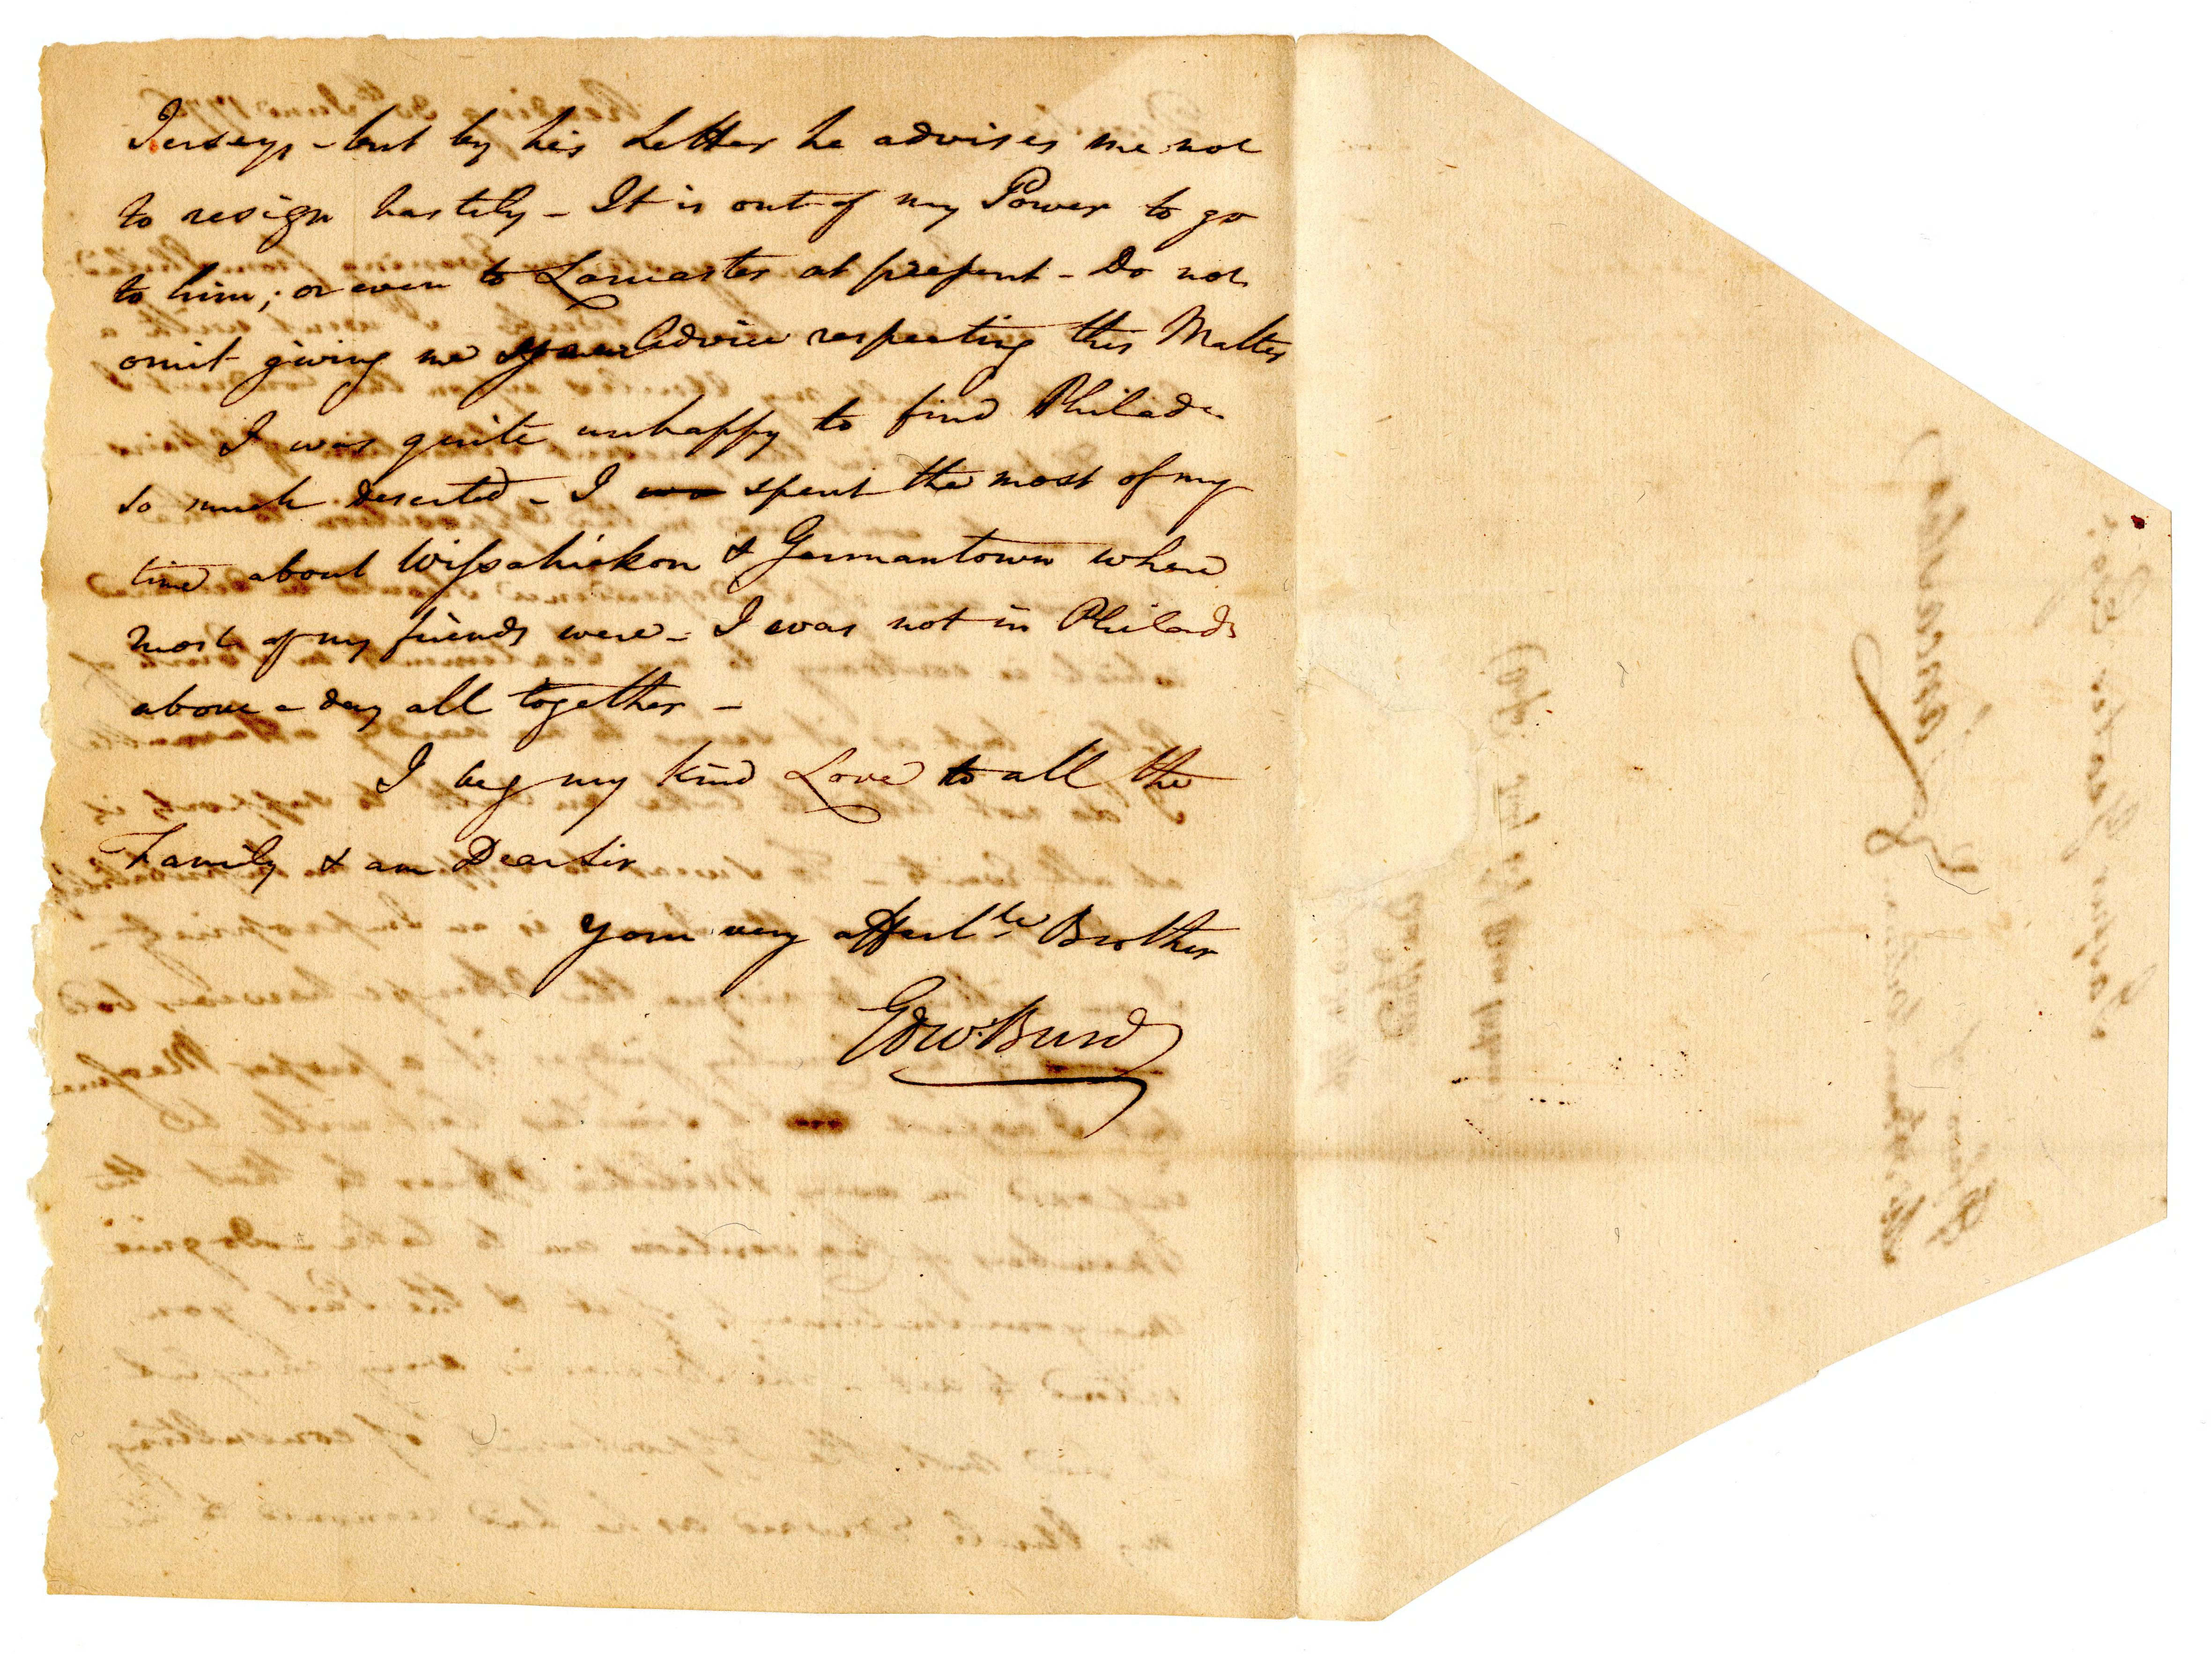Jersey, but by his Letter he advises me not
to resign hastely. It is out of my Power to go
to him; or even to Lancaster at present. Do not
omit giving me your Advice respecting this Matter
I was quite unhappy to find Philad^a
so much Deserted. I even spent the most of my
time about Wissahickon & Germantown where
most of my fiends were. I was not in Philad.
above a day all together.
I beg my kind Love to all the
Family & am Dear Sir
your very affect^te Brother
Edward